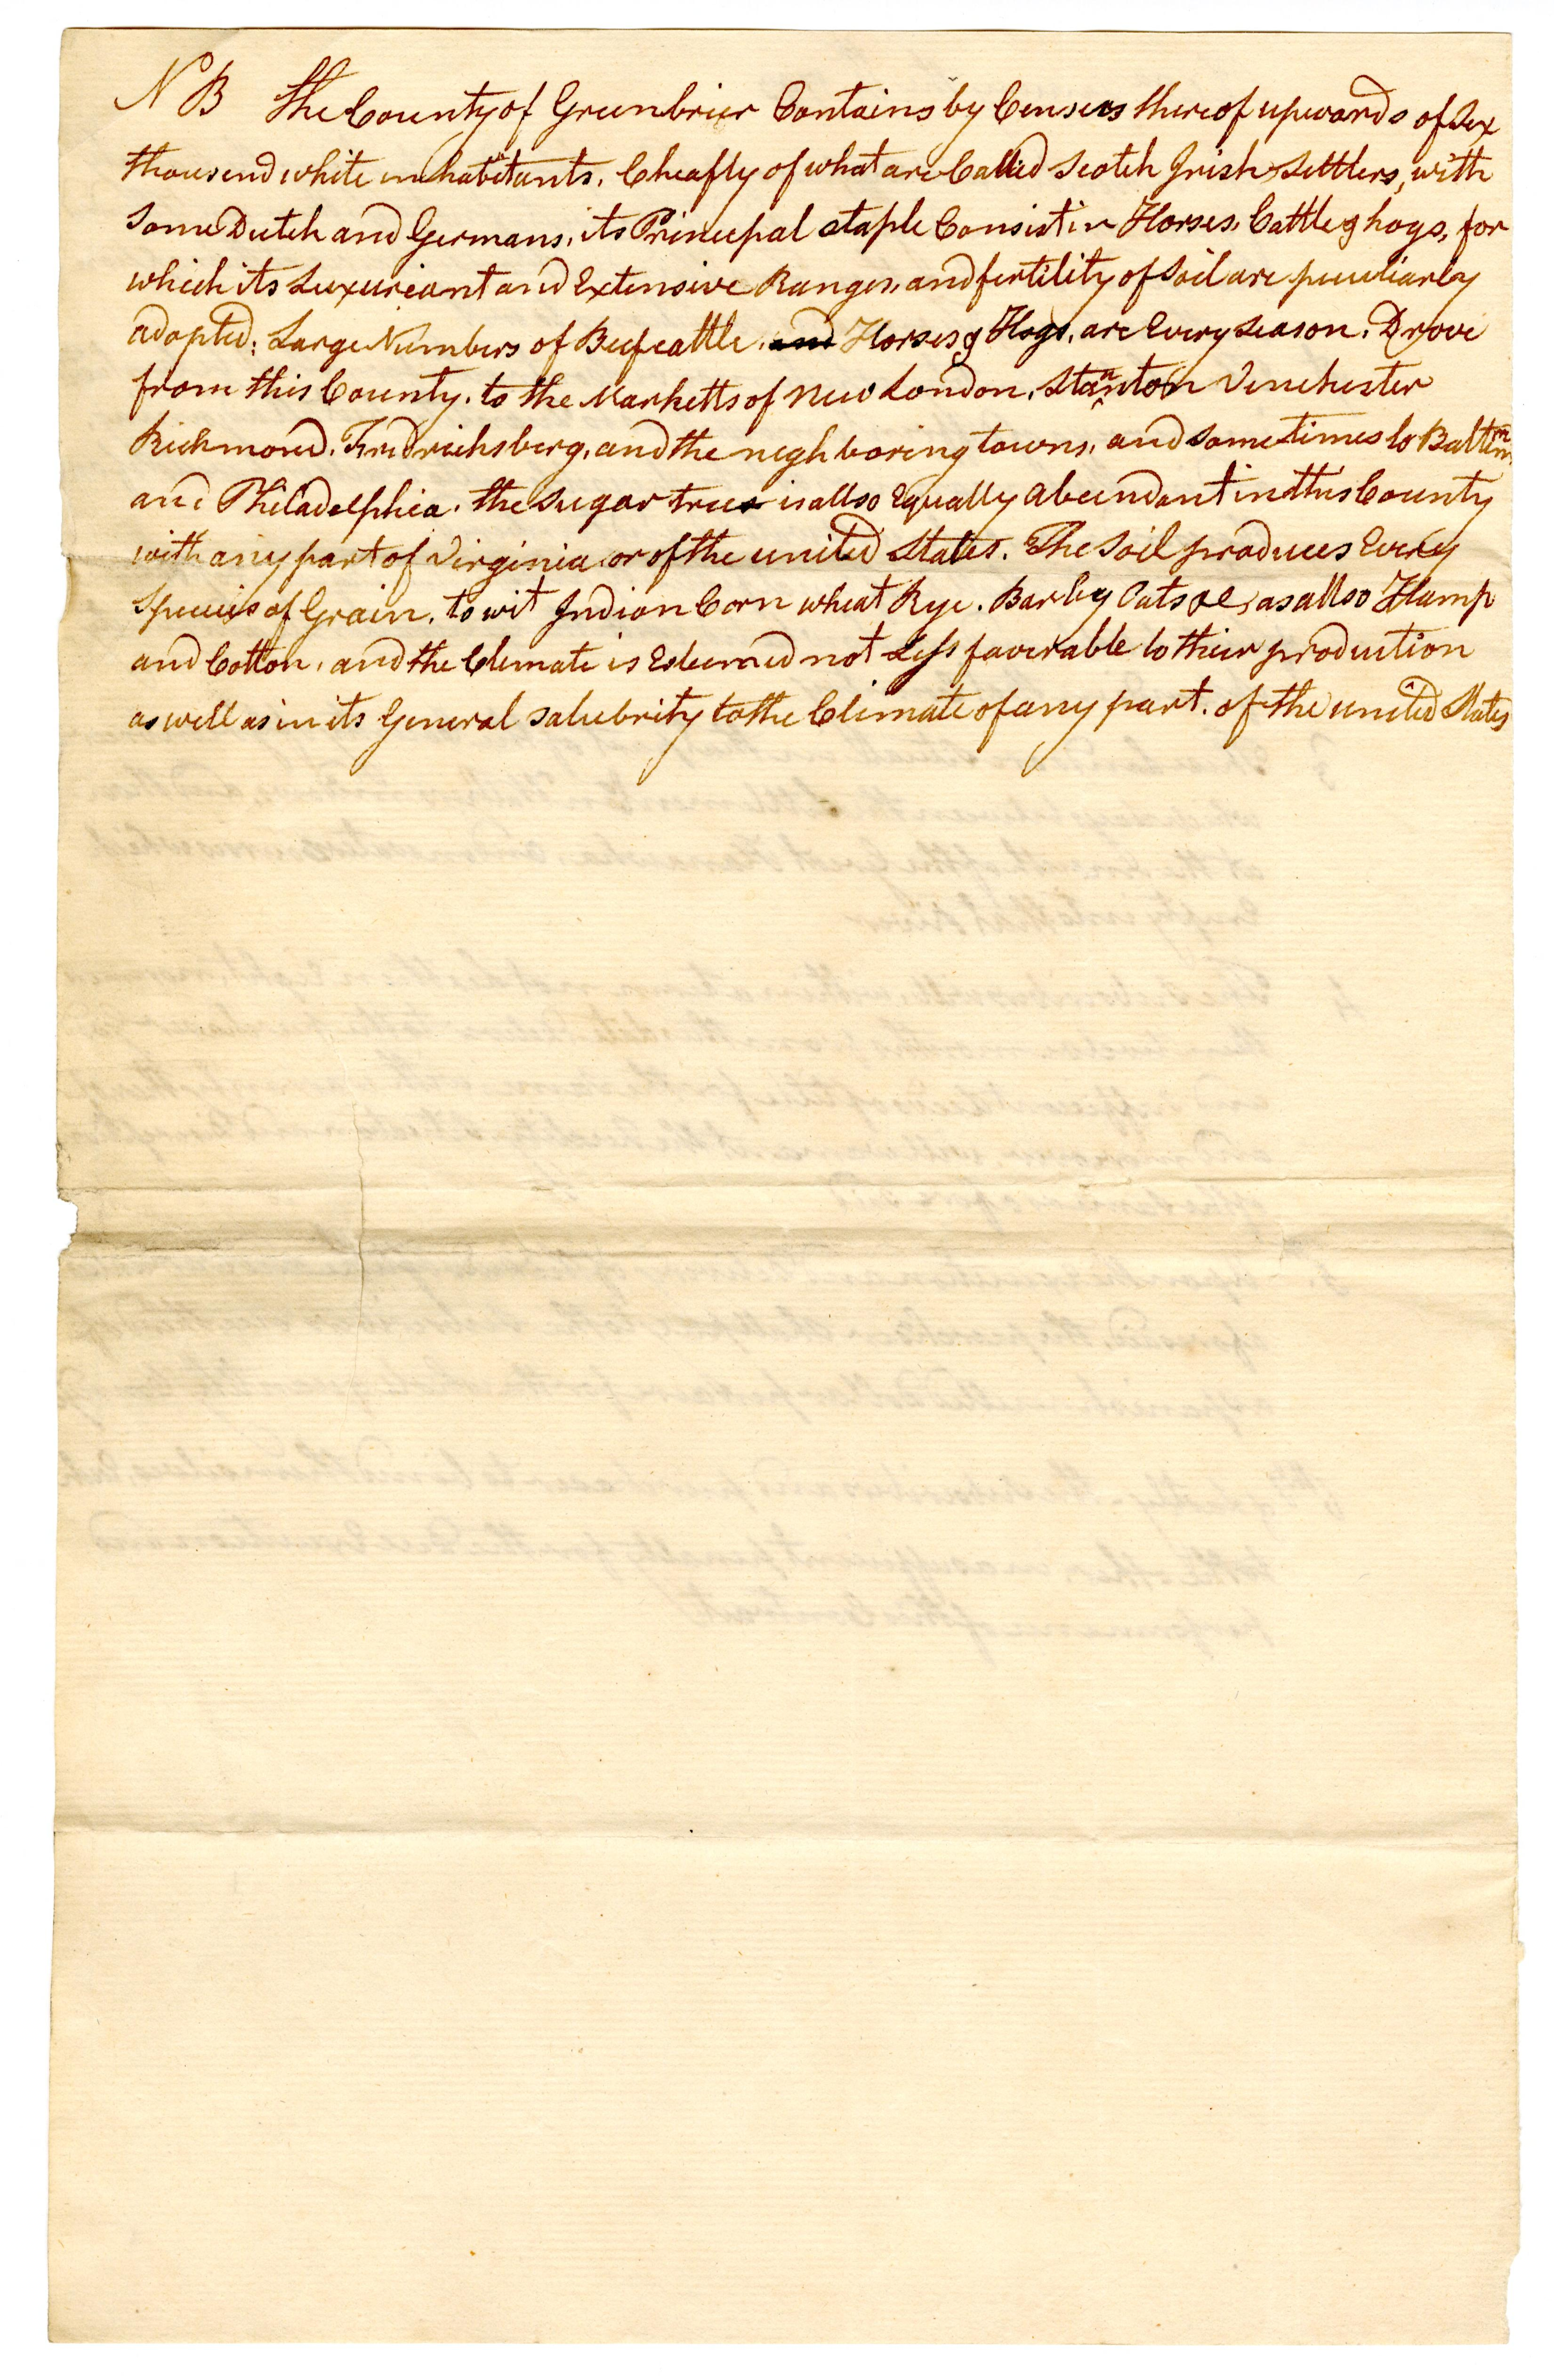N B The County of Greenbriar Contains by Censers thereof upwards of Six
thousend white inhabitants. Cheafly of what are Called scotch Irish settlers, with
some Dutch and Germans, its Principal staple Consist in Horses Cattle'g hogs, for
which its Luxuriant and and Extensive Ranges, and fertility of soil are particularly
adapted; Large numbers of Beef cattle, [and] Horses & Hogs are Every season Drove
from this County to the Markets of New London, Stanton Vinchester,
Richmond, Fredricksberg, and the neighboring towns, and sometimes to Baltimore
and Philadelphia, the sugar trees is allso equally abundant in this County
with any part of Virginia or of the united States. The soil produces Every
species of Grain, to wit Indian Corn wheat Rye Barley Catsae as allso Hemp
and Cotton, and the climate is Eteemed not Less favorable to their production
as well as insists General salubrity to the climate of any part of the United States